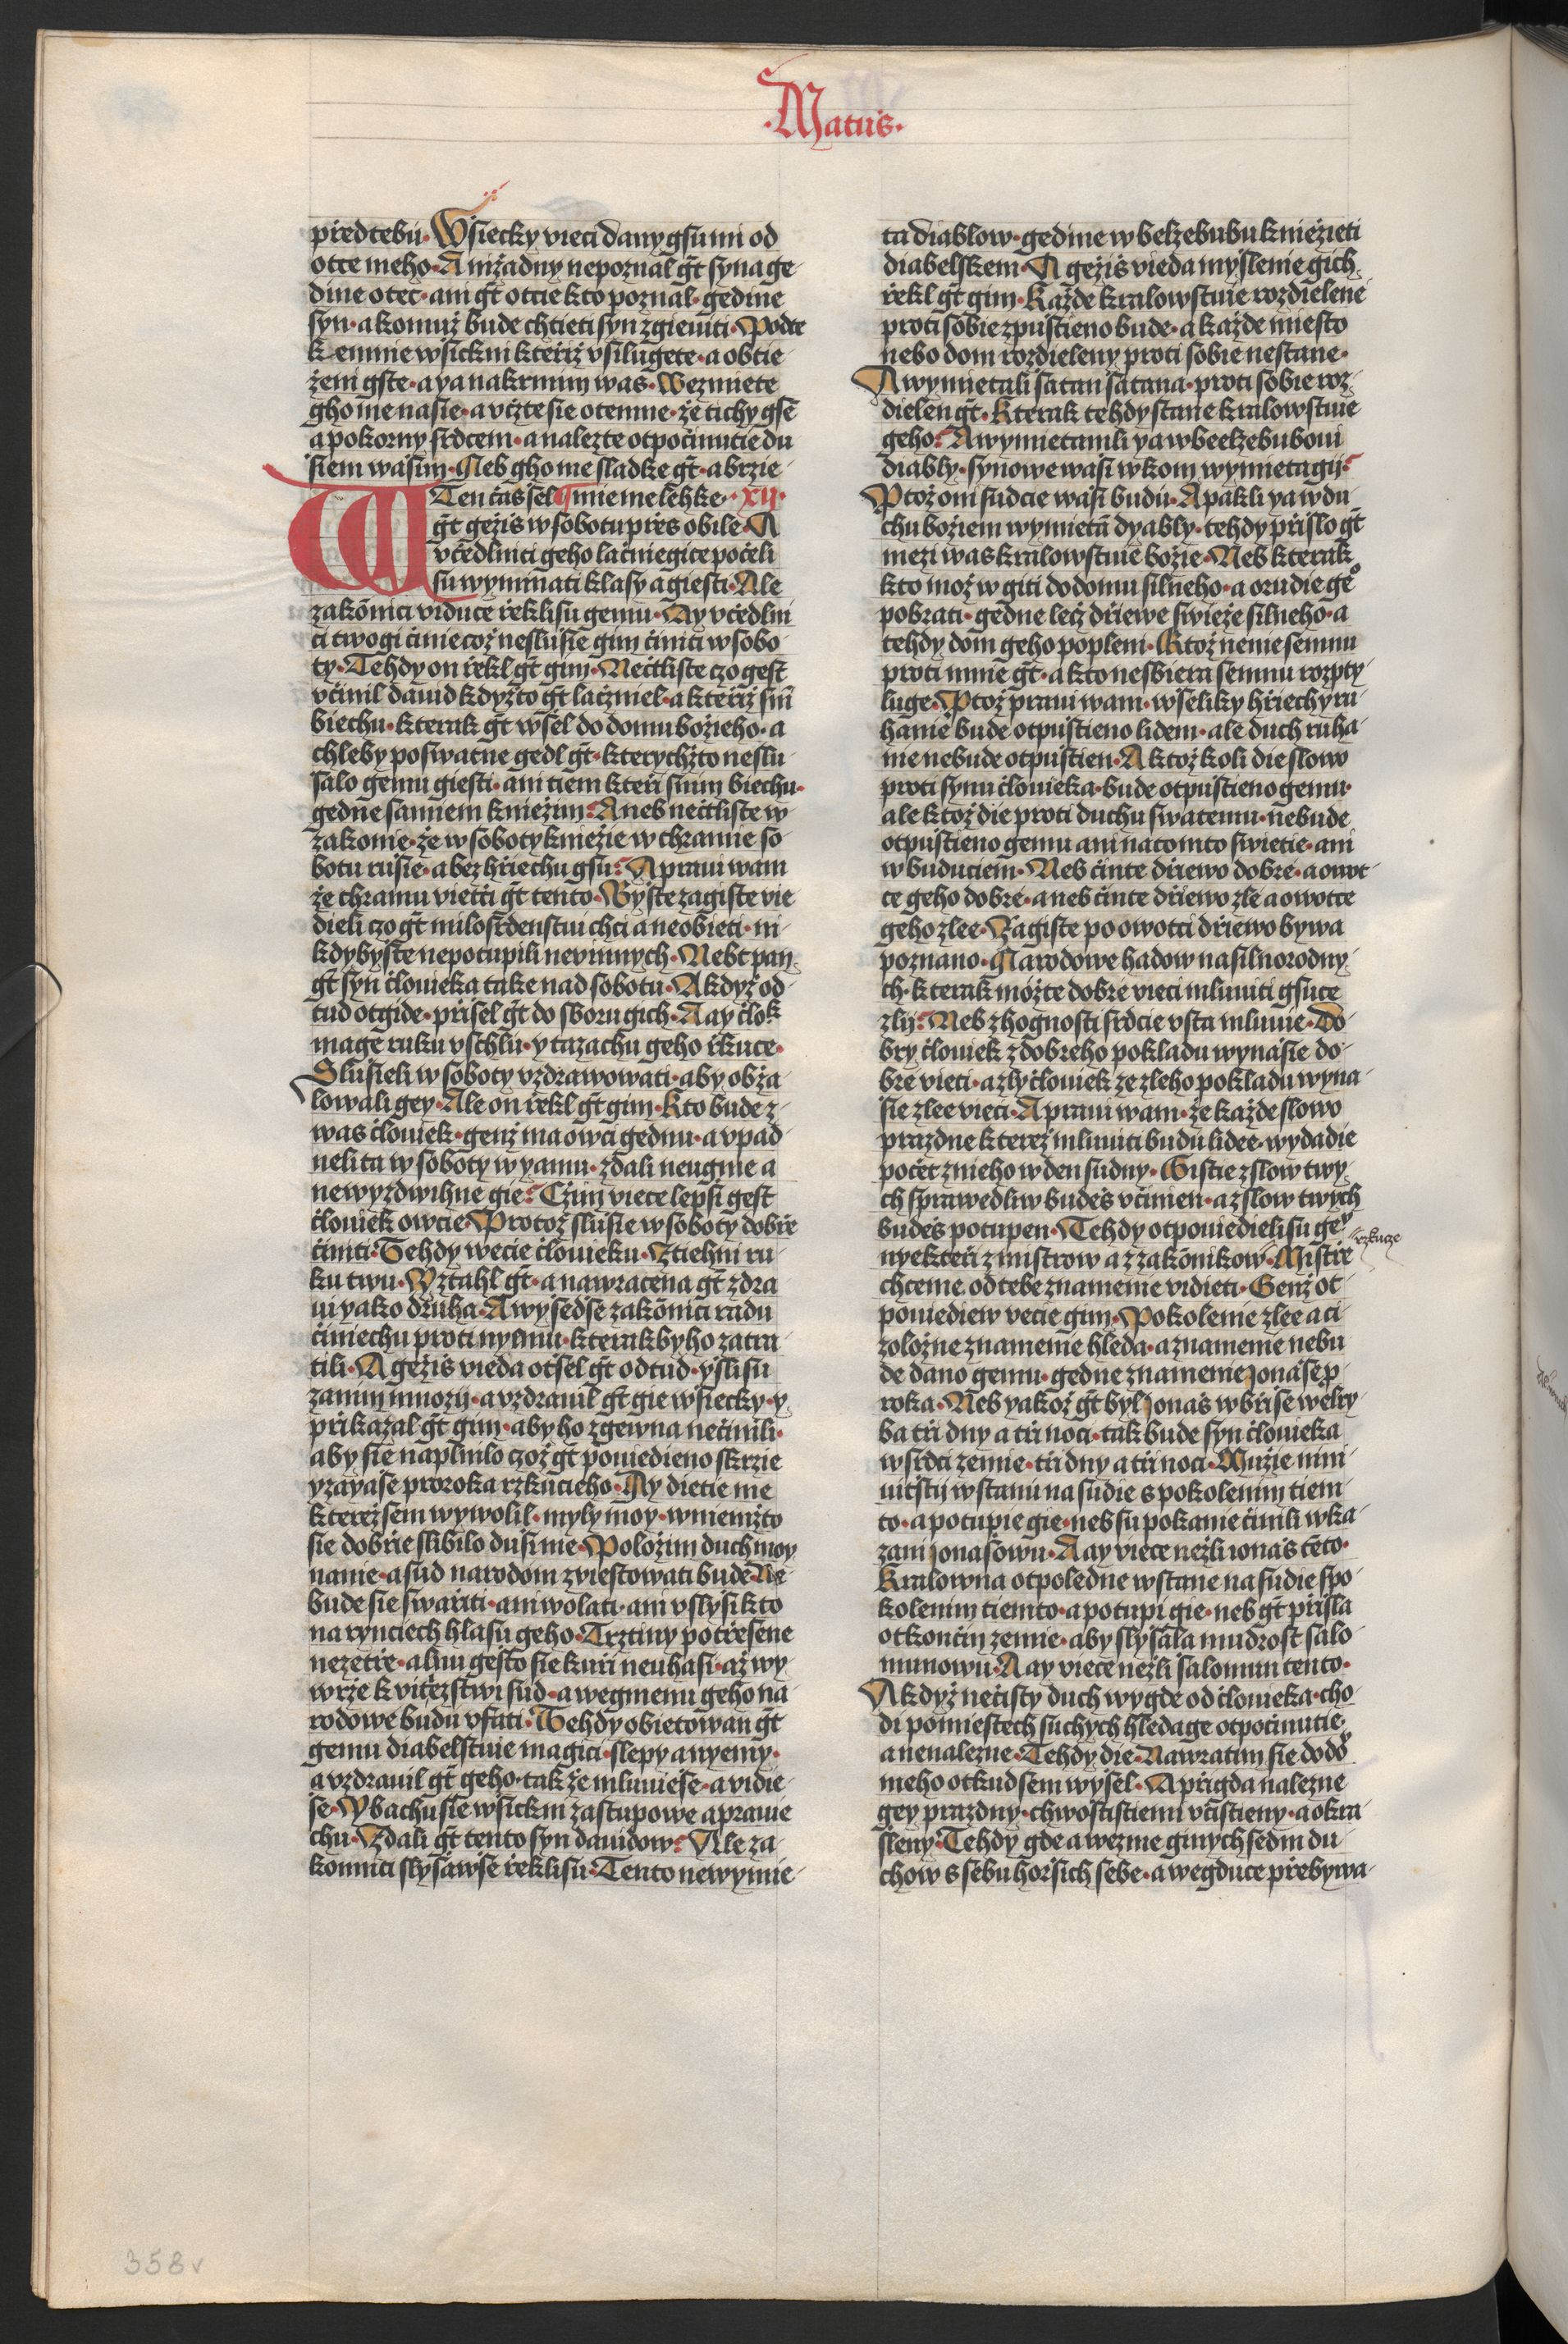pṙedtebú.Wẛiecky vieci dany gſu mi od
otce meho.A niżadny nepoznal ḡt ſyna ge¬
dine otec.ani ḡt otcie kto poznal.gedine
ſyn.akomuż bude chtieti ſyn zgieuiti.Podte
kemnie wẛickni kteṙiż vſilugete.a obtie¬
żeni gſte.a ya nakrmím was.Wezmiete
gho me naſie.a vcżte ſie otemne.że tichy gſē
a pokorny ſrdcem.a nalezte otpoċinutíe du¬
ẛiem waẛim.Neb gho me ſladke ḡt.a brzie
Ten ċas ẛel. mie me lehke.xij.
ḡt geżiṡ w ſobotu pṙes obile A
vċedlníci geho laċniegíce poċeli
ſu wymínati klaſy a gíeſti.Ale
zakōnici viduce ṙekli ſu gemu.Ay vċedlní¬
ci twogi ċiníe coż neſluẛíe gim ċiniti w ſobo¬
ty.Tehdy on ṙekl ḡt gim.Neċtli ſte czo geſt
vċinil dauid kdyżto ḡt laċzníel.a kteṙiż ſnī
bíechu.kterak ḡt wẛel do domu bożieho.a
chleby poſwatne gedl ḡt.kterychżto neſlu¬
ẛalo gemu gíeſti.ani tiem kteṙí ſním bíechu.
gedne ſamiem knieżim?A neb neċtliſte w
zakonie.że w ſoboty knieżíe w chramie ſo¬
botu ruẛie.abez hṙíechu gſu?A praui wam
że chramu vietċi ḡt tento.Byẛte zagiſte vie¬
dieli czo ḡt miloſrdenſtuí chci a neobieti.ni¬
kdybyẛte nepotupili nevinnych.Nebt pan
ḡt ſyn ċlouieka take nad ſobotu.Akdyż od
tud otgíde.pṙiẛel ḡt do ſboru gich.Aay ċlok¬
mage ruku uſchlú.y tazachu geho ṙkuce.
Sluẛieli w ſoboty vzdrawowati.aby obża¬
lowali gey.Ale on ṙekl ḡt gim.Kto bude z¬
was ċlouiek.genż ma owci gednu.a vpad¬
nelita w ſoboty w yamu.zdali neugme a
newyzdwihne gíe? Cżiní viece lepẛi geſt
ċlouiek owcie.Protoż ſluẛie v ſoboty dobře
ċiniti.Tehdy wecie ċlouieku.Ztiehni ru¬
ku twu.Y ztahl ḡt.a nawracena ḡt zdra¬
ui yako druha.A wyẛedẛe zakōnici radu
ċiniechu proti nyemu.kterakbyho zatra¬
tili.A geżiṡ vieda otẛel ḡt odtud.yẛli ſu
zanim mnozij.a vzdrauil ḡt gie wẛiecky.y
pṙikazal ḡt gim.aby ho zgewna neċinili.
aby ſie naplnilo czoż ḡt pouiedieno ſkrzie
yzayaẛe proroka rzkucieho.Ay dietie me
ktereż ſem wywolil.myly moy.wníemżto
ſie dobṙie ſlibilo duẛi me.Polożím duch moy
nanie.a ſud narodóm zvieſtowati bude.Ne¬
bude ſie ſwaṙiti.ani wolati.ani uſlyẛi kto
na rynciech hlaſu geho.Trztiny potṙeſene
nezetṙe.alnu geẛto ſie kuṙí neuhaſi.aż wy¬
wrże k vitiezſtwí ſud.a wegmenu geho na¬
rodowé budú ufati.Tehdy obietowan ḡt
gemu diabelſtuie magící.ſlepy a nyemy.
a vzdrauil ḡt geho.tak że mluuíeẛe.a vidíe¬
ẛe.Y bachu ſie wẛickni zaſtupowe aprauíe¬
chu.Zdali ḡt tento ſyn dauidow?Ale za¬
konnnici ſlyſawẛe ṙekli ſu.Tento newymíe
Matuṡ.
ta diablow.gedine wbelzebubu knieżieti
diabelſkem.A geżíṡ vieda myẛleníe gich
ṙekl ḡt gim.Każde kralowſtuie rozdielené
proti ſobie zpuẛtieno bude.a każde mieſto
nebo dom rozdieleny proti ſobie neſtane.
A wymietali ẛatan ẛatana.proti ſobie roz¬
dielen ḡt.Kterak tehdy ſtane kralowſtuíe
geho?A wymietamli ya wbeelzebuboui
diably.ſynowe waẛi wkom wymietagij?
Ꝓtoż oni ſudcie waẛi budú.A pakli ya wdu¬
chu bożiem wymietā dyably.tehdy pṙiẛlo ḡt.
mezi was kralowſtuie bożie.Neb kterak
kto moż w gíti dodomu ſilneho.a orudíe geo
pobrati.gedne lecż dṙíewe ſwieże ſilneho.a
tehdy dom geho poplení.Ktoż neníe ſemnu
proti mnie ḡt.a kto neſbiera ſemnu rozpty¬
luge.Ꝓtoż praui wam.wẛeliky hṙiechy ru¬
hanie bude otpuẛtieno lidem.ale duch ruha¬
nie nebude otpuẛtien.A ktoż koli díe ſlowo
proti ſynu ċlouieka.bude otpuẛtieno gemu.
ale ktoż díe proti duchu ſwatemu.nebude
otpuẛtieno gemu ani natomto ſwietie.ani
w buducíem.Neb ċinte dṙiewo dobré.a owot¬
ce geho dobré.a neb ċinte dṙiewo zlé a owotce
geho zlee.Zagiſte po owotci dṙiewo bywa
poznano.Narodowe hadow naſilnorodny¬
ch.kterak możte dobre vieci mluuiti gſuce
zlij?Neb zhognoſti ſrdcie vſta mluuíe.Do¬
bry ċlouiek z dobreho pokladu wynaẛie do¬
bre vieci.a zly ċlouiek ze zleho pokladu wyna¬
ẛíe zlee vieci.A praui wam.że każde ſlowo
prazdne ktereż mluuiti budú lidee.wydadíe
počet znieho wden ſudny.Giſtie zſlow twy¬
ch ſprawedliw budeṡ vċinien.a zſlow twych
budeṡ potupen.Tehdy otpouiedieli ſu gev
nyekteří z miſtrow a z zakōnikow.Miſtṙe
chceme odtebe znameníe vidieti.Genż ot¬
pouiediew vecie gim.Pokolenie zlee a ci¬
zolożne znameníe hleda.aznameníe nebu¬
de dano gemu.gedne znamenie Ionaẛe ꝓ
roka.Neb yakoż ḡt byl Ionaṡ wbṙiẛe welry¬
ba tṙi dny a tṙi noci.tak bude ſyn ċlouieka
wſrdci zemie.tṙi dny a tṙi noci.Mużie nimi
uitẛtij wſtanú na ſudie s pokolením tiem¬
to.a potupie gie.neb ſu pokaníe ċinili wka¬
zam Ionaẛowu.A ay viece neżli ionaṡ tēto.
Kralowna otpoledne wſtane na ſudie ſpo¬
kolením tiemto.a potupí gie.neb ḡt pṙiſla
otkonċin zemie.aby ſlyẛala mudroſt ſalo¬
munowu.A ay viece nezli ẛalomun tento.
A kdyż neċiſty duch wygde od ċlouieka.cho¬
dí pomíeſtech ſuchych hledage otpoċinutie.
a nenalezne.Tehdy díe.Nawratim ſie dodov
meho otkudſem wyẛel.A pṙigda nalezne
gey prazdny.chwoẛti ſtiemi vċiſtieny.a okra¬
ẛleny.Tehdy gde a wezme ginych ſedm du¬
chow sſebu horẛich ſebe.a wegduce pṙebywa¬